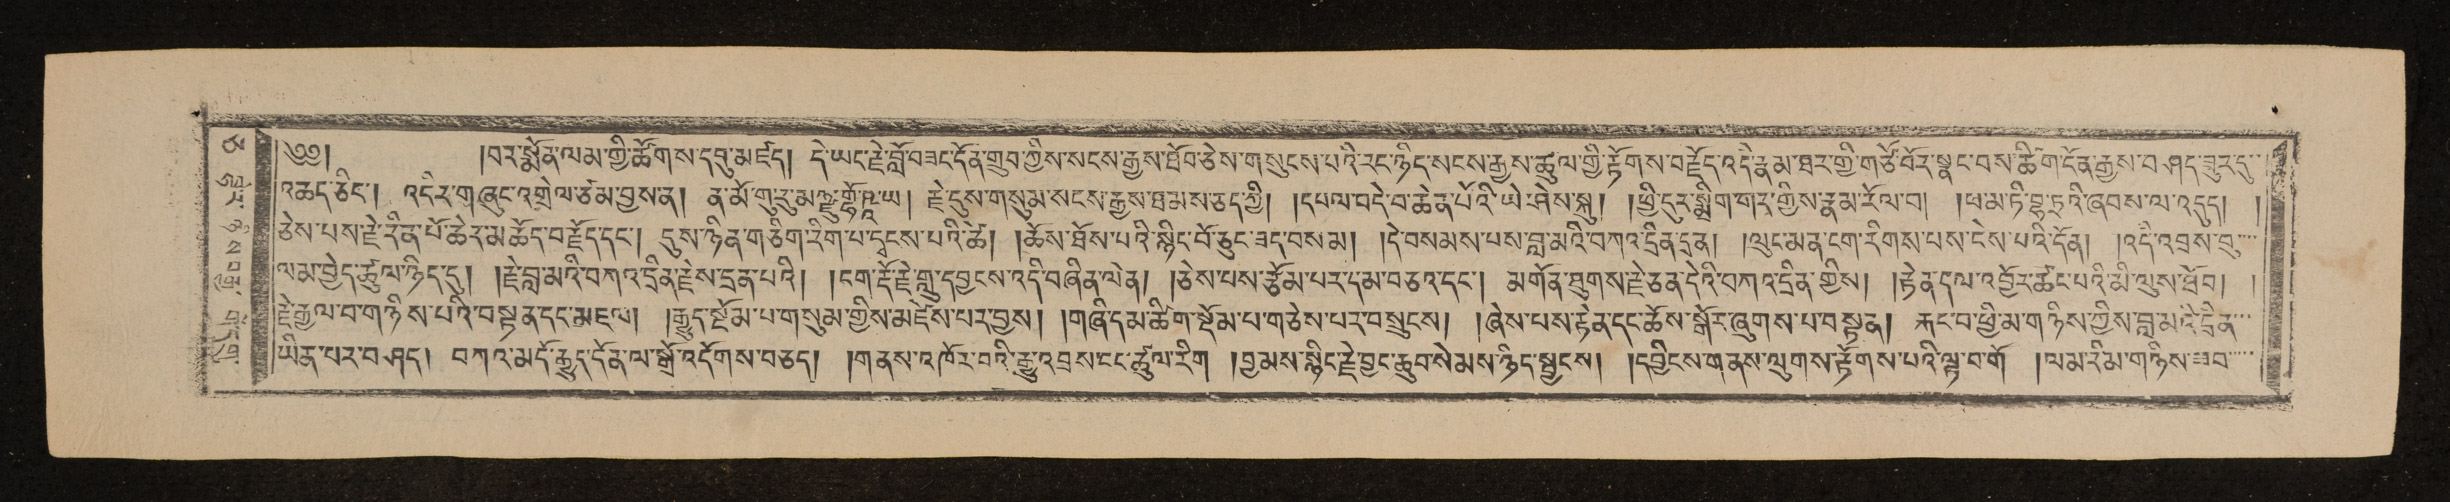༄༅། །བར་སྨོན་ལམ་གྱི་ཚོགས་ད་དུ་མཛད། དེ་ཡང་རྗེ་བློ་བཟང་དོན་གྲུབ་ཀྱིས་སངས་རྒྱས་ཐོབ་ཅེས་གསུངས་པའི་རང་ཉིད་སངས་རྒྱས་ཚུལ་གྱི་རྟོགས་བརྗོད་འདི་རྣམ་ཐར་གྱི་གཙོ་བོར་སྣང་བས་ཚིག་དོན་རྒྱས་བཤད་ཟུར་དུ་
འཆད་ཅིང་། འདིར་གཞུང་འགྲེལ་ཙམ་བྱས་ན། ན་མོ་གུ་རུ་མཉྫུ་གྷོ་ཥཱ་ཡ། རྗེ་དུས་གསུམ་སངས་རྒྱས་ཐམས་ཅད་ཀྱི། །དཔལ་བདེ་བ་ཆེན་པོའི་ཡེ་ཤེས་སྐུ། །ཕྱི་དུར་སྨྲིག་གར་གྱིས་རྣམ་རོལ་པ། །ཕམ་ཏི་བྷ་ཏྲའི་ཞབས་ལ་འདུད། །
ཅེས་པས་རྗེ་རིན་པོ་ཆེར་མཆོད་བརྗོད་དང་། དུས་ཉིན་གཅིག་རིག་པ་དྭངས་པའི་ཚེ། །ཆོས་ཐོས་པའི་སྙིང་པོ་ཅུང་ཟད་བསམ། །དེ་བསམས་པས་བླ་མའི་བཀའ་དྲིན་དྲན། །ལུང་མན་ངག་རིགས་པས་ངེས་པའི་དོན། །འདི་འབྲས་བུ་
ལམ་བྱེད་ཚུལ་ཉིད་དུ། །རྗེ་བླ་མའི་བཀའ་དྲིན་རྗེས་དྲན་པའི། །ངག་རྡོ་རྗེ་གླུ་དབྱངས་འདི་བཞིན་ལེན། །ཅེས་པས་རྩོམ་པར་དམ་བཅའ་དང་། མགོན་ཐུགས་རྗེ་ཅན་དེའི་བཀའ་དྲིན་གྱིས། །རྟེན་དལ་འབྱོར་ཚང་པའི་མི་ལུས་ཐོབ། །
རྗེ་རྒྱལ་བ་གཉིས་པའི་བསྟན་དང་མཇལ། །རྒྱུད་སྡོམ་པ་གསུམ་གྱིས་མཛེས་པར་བྱས། །གཞི་དམ་ཚིག་སྡོམ་པ་གཅེས་པར་བསྲུངས། །ཞེས་པས་རྟེན་དང་ཆོས་སྒོར་ཞུགས་པ་བསྟན། རྐང་པ་ཕྱི་མ་གཉིས་ཀྱིས་བླ་མའི་དྲིན་
ཡིན་པར་བཤད། བཀའ་མདོ་རྒྱུད་དོན་ལ་སྒྲོ་འདོགས་བཅད། །གནས་འཁོར་བའི་རྒྱུ་འབྲས་དང་ཚུལ་རིག །བྱམས་སྙིང་རྗེ་བྱང་ཆུབ་སེམས་ཉིད་སྦྱངས། །དབྱིངས་གནས་ལུགས་རྟོགས་པའི་ལྟ་བ་གོ །ལམ་རིམ་གཉིས་ཟབ་